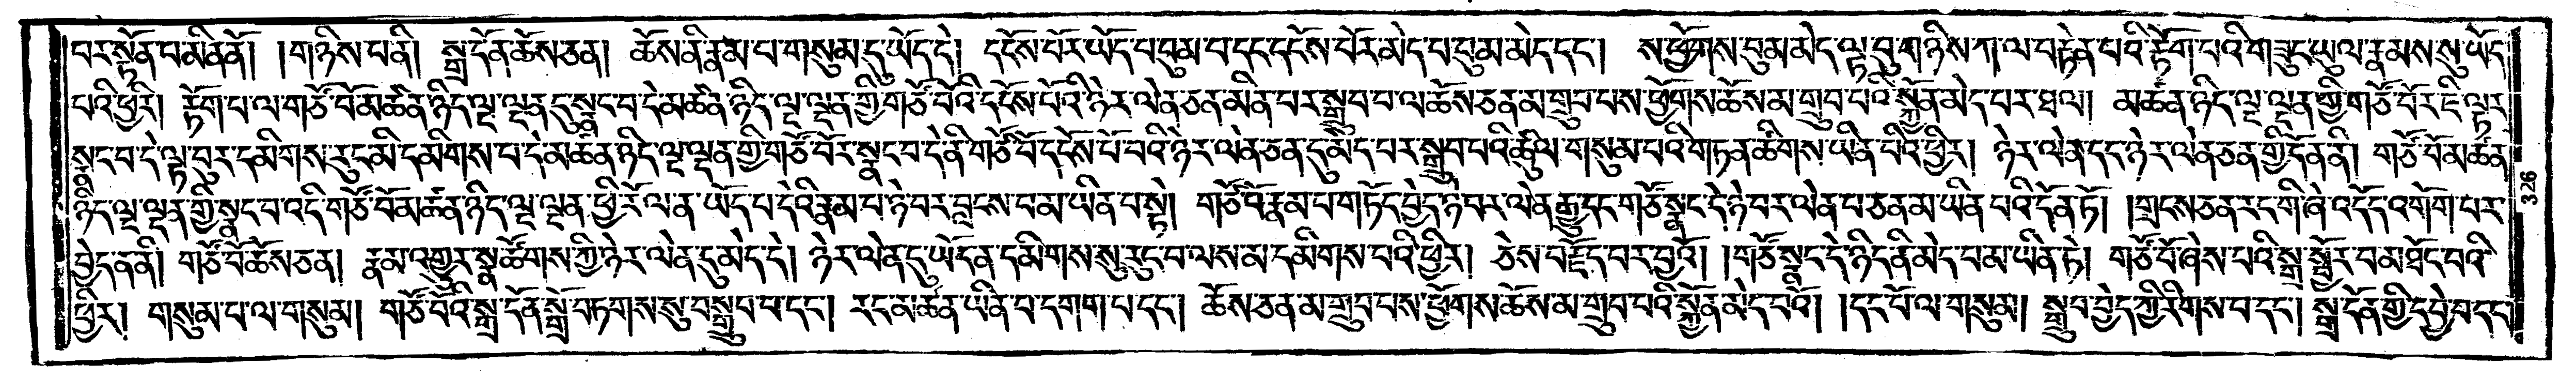བར་སྟོན་པ་མིན་ནོ། །གཉིས་པ་ནི། སྒྲ་དོན་ཆོས་ཅན། ཆོས་ནི་རྣམ་པ་གསུམ་དུ་ཡོད་དེ། དངོས་པོར་ཡོད་པ་བུམ་པ་དང་དངོས་པོར་མེད་པ་བུམ་མེད་དང་། ས་ཕྱོགས་བུམ་མེད་ལྟ་བུ་གཉིས་ཀ་ལ་བརྟེན་པའི་རྟོག་པའི་གཟུང་ཡུལ་རྣམས་སུ་ཡོད་
པའི་ཕྱིར། རྟོག་པ་ལ་གཙོ་བོ་མཚན་ཉིད་ལྔ་ལྡན་དུ་སྣང་བ་དེ་མཚན་ཉིད་ལྔ་ལྡན་གྱི་གཙོ་བོའི་དངོས་པོའི་རྙེ་ལེན་ཅན་མིན་པར་སྒྲུབ་པ་ལ་ཆོས་ཅན་མ་གྲུབ་པས་ཕྱོགས་ཆོས་མ་གྲུབ་པའི་སྐྱོན་མེད་པར་ཐལ། མཚན་ཉིད་ལྔ་ལྡན་གྱི་གཙོ་བོར་ཇི་ལྟར་
སྣང་བ་དེ་ལྟ་བུར་དམིགས་རུང་མི་དམིགས་པ་དེ་མཚན་ཉིད་ལྔ་ལྡན་གྱི་གཙོ་བོར་སྣང་བ་དེ་ནི་གཙོ་བོ་དངོས་པོ་བའི་ཉེར་ལེན་ཅན་དུ་མེད་པར་སྒྲུབ་པའི་ཚུལ་གསུམ་པའི་གཏན་ཚིགས་ཡིན་པའི་ཕྱིར། ཉེར་ལེན་དང་ཉེར་ལེན་ཅན་གྱི་དོན་ནི། གཙོ་བོ་མཚན་
ཉིད་ལྔ་ལྡན་གྱི་སྣང་བ་འདི་གཙོ་བོ་མཚན་ཉིད་ལྔ་ལྡན་ཕྱི་རོལ་ན་ཡོད་པ་དེའི་རྣམ་པ་ཉེ་བར་བླངས་བ་མ་ཡིན་པ་སྟེ། གཙོ་བོ་རྣམ་པ་གཏོང་བྱེད་ཉེ་བར་ལེན་རྒྱུ་དང་གཙོ་སྣང་དེ་ཉེ་བར་ལེན་པ་ཅན་མ་ཡིན་པའི་དོན་ཏོ། །གྲངས་ཅན་རང་གི་ཞེ་འདོད་འགོག་པར་
བྱེད་ན་ནི། གཙོ་བོ་ཆོས་ཅན། རྣམ་འགྱུར་སྣ་ཚོགས་ཀྱི་ཉེར་ལེན་དུ་མེད་དེ། ཉེར་ལེན་དུ་ཡོད་ན་དམིགས་སུ་རུང་བ་ལས་མ་དམིགས་པའི་ཕྱིར། ཅེས་བརྗོད་པར་བྱའོ། །གཙོ་སྣང་དེ་ཉིད་ནི་མེད་པ་མ་ཡིན་ཏེ། གཙོ་བོ་ཞེས་པའི་སྒྲ་སྦྱོར་བ་མཐོང་བའི་
ཕྱིར། གསུམ་པ་ལ་གསུམ། གཙོ་བོའི་སྒྲ་དོན་སྒྲོ་བཏགས་སུ་བསྒྲུབ་པ་དང་། རང་མཚན་ཡིན་པ་དགག་པ་དང་། ཆོས་ཅན་མ་གྲུབ་པས་ཕྱོགས་ཆོས་མ་གྲུབ་པའི་སྐྱོན་མེད་བའོ། །དང་པོ་ལ་གསུམ། སྒྲུབ་བྱེད་ཀྱི་རིགས་པ་དང་། སྒྲ་དོན་གྱི་དབྱེ་བ་དང་